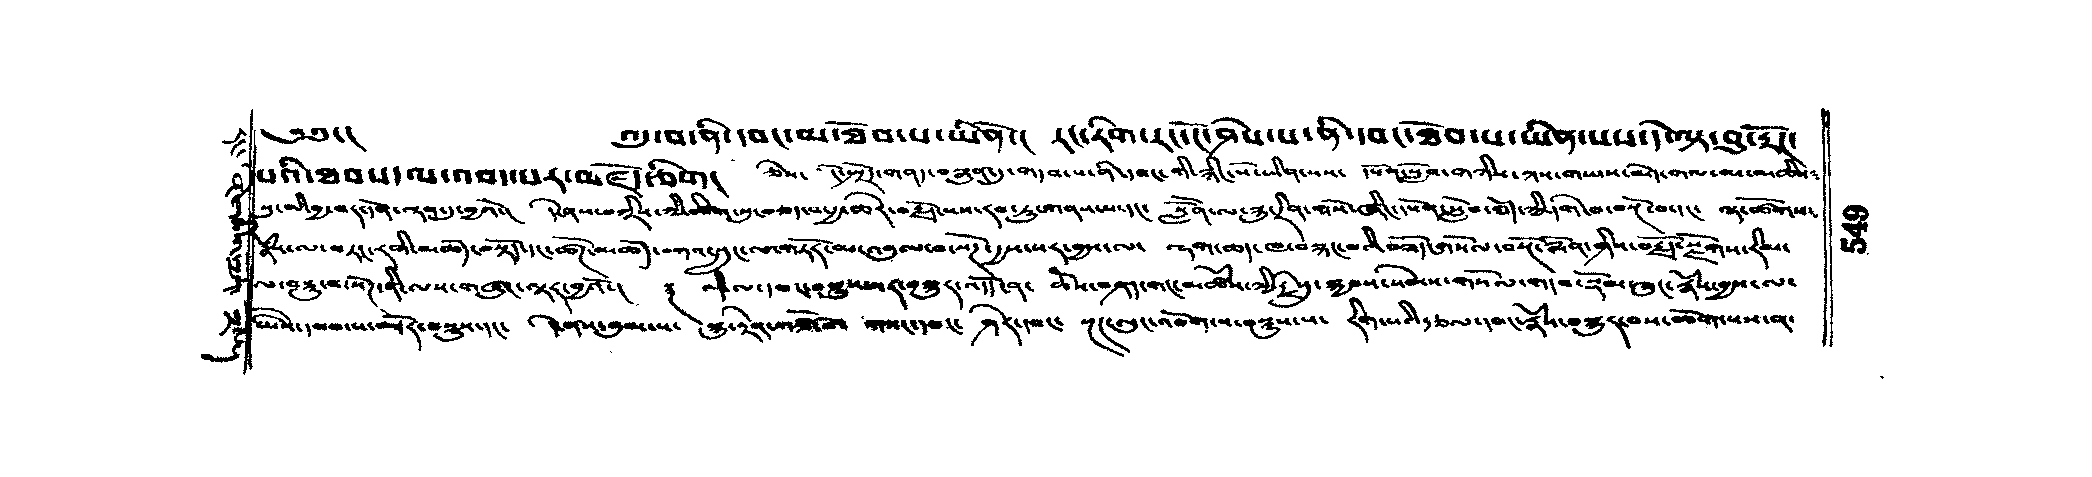འདུ་བ་ནི་དབང་མ་ཐོབ་པ་ཡིན་ནོ། རང་རིག་རང་ངོ་ཤེས་པ་ནི་དབང་ཐོབ་པ་ཡིན་པས་དེ་ལྟ་བུ་རྟོགས་
པའི་ཐབས་ལ་འབད་པར་མཛོད་ཅིག ཅེས་ངོ་སྤྲོད་གནད་བསྣུན་དུ་གདབ་པ་ནི་དབང་གི་སྙིང་པོ་ཡིན་པས། དཔོན་སློབ་གཉིས་ཀས་གཡས་མེད་གལ་མ་མཆིས་
སུ་མི་བྱ་བར་དོན་ལྷན་དུ་བྱའོ། དེ་ནས་བཀྲ་ཤིས་ཀྱི་ཚིགས་སུ་བཅད་པ་རྒྱ་ཆེར་བརྗོད་པས་རབ་ཏུ་གནས་པ་དང་། སློབ་དཔོན་ལ་སྐུ་དྲིན་གསོ་ཞིང་། དཔོན་སློབ་ཐམས་ཅད་ཀྱི་དགེ་བ་བསྔོ་བ་དང་། ལྷ་ཚོགས་
རྣམས་ལ་བཏང་རག་གི་མཆོད་བསྟོད་དང་ཚོགས་མཆོད་བཀའ་སྲུང་ལ་གཏོར་མ་འབུལ་བ་སོགས་རྒྱས་པར་བྱས་ལ། ལྷག་ཆད་ཁ་བསྐང་བའི་བསྟོད་གསོལ་བསྔོ་སྨོན་ཤིས་བརྗོད་རྫོགས་རིམ་
ལ་བསྡུ་བ་སོགས་ནི་ལས་གཞུང་ལྟར་བྱའོ།། འདི་ལ་དབང་བསྡུས་པར་བསྐུར་འདོད་ན། ཆོས་བཤད་གང་མཚམས་ཀྱི་རྗེས་སུ་སྐྱབས་སེམས་གསོལ་གདབ་སྡོམ་ཟུང་རྣམས་བྱས་ལ་
ཡེ་ཤེས་དབབ་པ་མདོར་བསྡུས་དང་། དེ་ནས་བུམ་པ། སྐུ་རྟེན་གཙོ་བོ། གསང་དབང་། ཤེར་དབང་། སྔགས་ལུང་འབོག་པ་བསྡུས་པ། རིག་པའི་རྩལ་དབང་རྣམས་བསྐུར་བས་ཆོག་པས་ན་